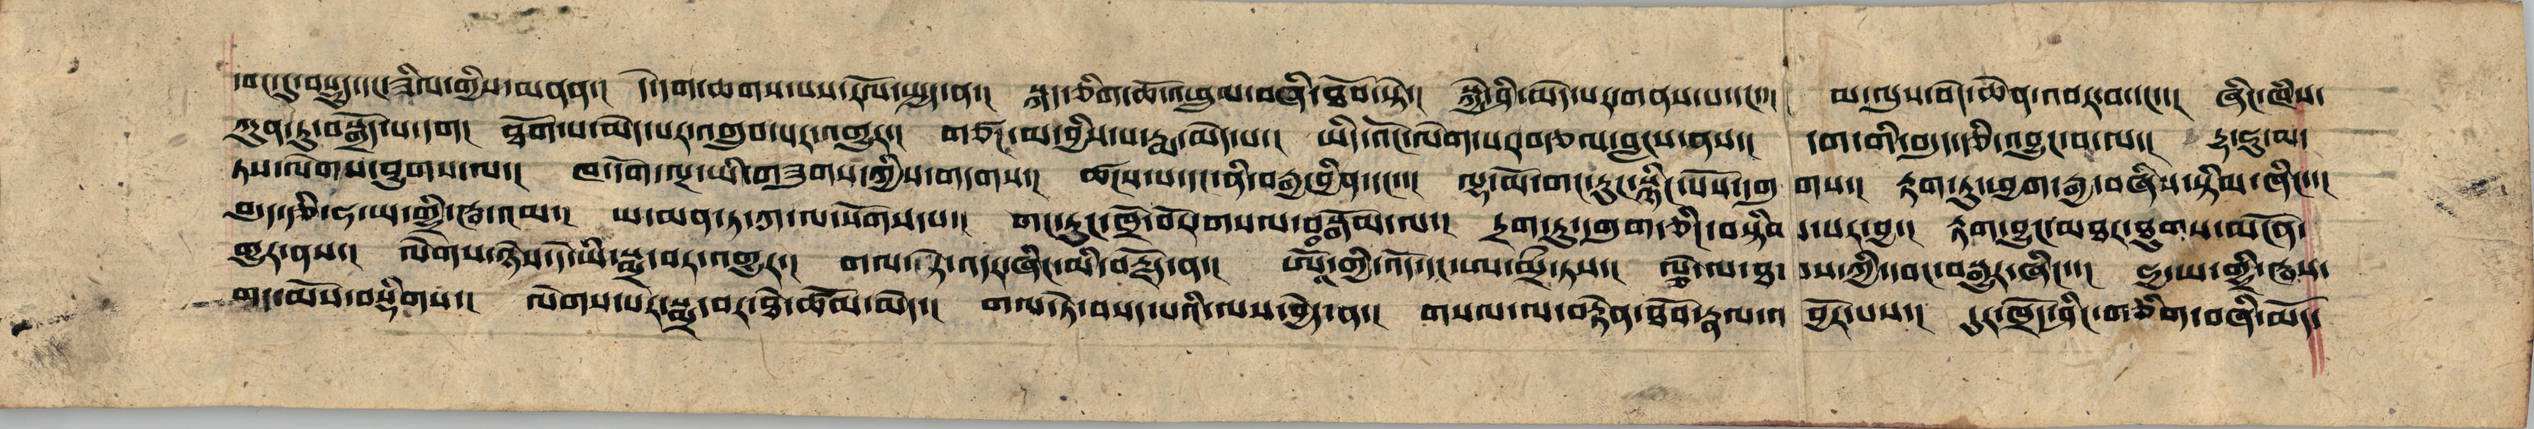དབང་དུ་བསྡུད་དང་ཟིལ་གྱིས་མནན་། དེ་དག་ཆགས་པས་རོལ་སྤྱད་ན་། སྐད་ཅིག་ཆོ་འཕྲུལ་བཞི་ཐོབ་སྟེ་། སྐྱེ་ཤི་མེད་པར་གནས་པ་དང་་། མ་ལུས་བདེ་ཆེན་འབར་བ་དང་་། ཞིང་ཁཾས་
ཀུན་ཏུ་བསྒྲོད་པ་དག། ཐོག་པ་མེད་པར་འགྲུབ་པར་འགྱུར་། གཙང་མ་བྱིས་པ་རྨ་མེད་པ་། ཡིད་འོང་ལེག་པར་བརྩལ་བླངས་ནས་། དག་གི་བདུད་རྩི་འབྱུང་བ་ལ་། དྷ་ཧུ་མ་
ཏས་ལེགས་བྱུགས་ལ་། ཁ་དོག་ལྔ་ཡི་གཟུགས་ཀྱིས་གདགས་། ཚངས་པ་དང་ནི་བརྒྱ་བྱིན་དང་་། ལྷ་མོ་གང་རུང་སྙིང་པོས་དགུ གས་། རྟག་ཏུ་ཕྱག་རྒྱ་བཞིས་སྟིམ་ཞིང་་།
བདུད་རྩི་ཧ་ཡ་གྷྲི་ཝ་འམ་། ཡ་མན་ཏ་ཀ་ལ་སོགས་པ་། གང་རུང་ཁྲོ་བོར་གསལ་བསྒོམ་ལ་། དྲག་ཏུ་དགུག་ཅིང་བསྟིམས་པར་བྱ་། རྟག་བྱུང་མཐར་ཐུགས་མངོན་
གྱུར་ནས་། ལེགས་ཉེས་དེ་ཡི་སྨྲ་བར་འགྱུར་། གལ་ཏེ་འདར་ཞིང་མི་བརྗོད་ན་། ཨཱོཾ་གྱི་འོད་དང་ཨ་མྲྀ་ཏས་། ལྕེ་ལ་ཐ་ བས་ཀྱི་དབང་བསྐུར་ཞིང་་། ཧྱ་ཡ་གྷྲི་ཝས་
གད་མོས་བསྡིགས་། ལེགས་པར་སྨྲ་བར་ཐེ་ཚོམ་མེད་། གལ་ཏེ་བསད་པའི་ལས་བྱེད་ན་། གསལ་ལ་བརྟེན་ཐོབ་རྣལ་འ བྱོར་པས་། དུར་ཁྲོད་ཤིང་གཅིག་བཞི་མདོ་